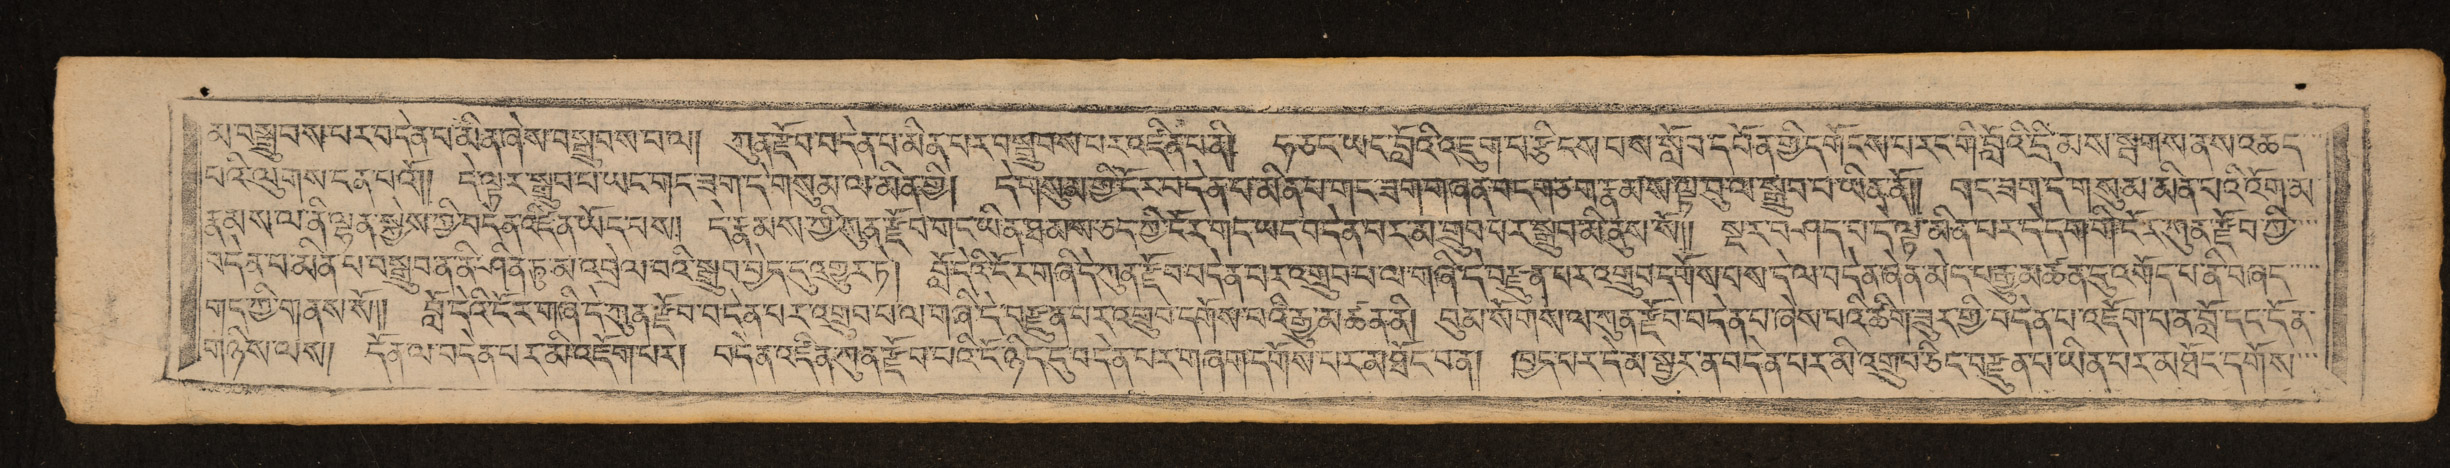མ་བསྒྲུབས་པར་བདེན་པ་མིན་ཞེས་བསྒྲུབས་པ་ལ། ཀུན་རྫོབ་བདེན་པ་མིན་པར་བསྒྲུབས་པར་འཛིན་པ་ནི། ཧ་ཅང་ཡང་བློའི་འཇུག་པ་རྩིངས་པས་སློབ་དཔོན་གྱི་དགོངས་པ་རང་གི་བློའི་དྲི་མས་སྦགས་ནས་འཆད་
པའི་ལུགས་ངན་པའོ།། དེ་ལྟར་སྒྲུབ་པ་ཡང་གང་ཟག་དེ་གསུམ་ལ་མིན་གྱི། དེ་གསུམ་གྱི་ངོར་བདེན་པ་མིན་པ་གང་ཟག་གཞན་བདག་ཅག་རྣམས་ལྟ་བུ་ལ་སྒྲུབ་པ་ཡིན་ནོ།། གང་ཟག་དེ་གསུམ་མིན་པའི་འོག་མ་
རྣམས་ལ་ནི་ལྷན་སྐྱེས་ཀྱི་བདེན་འཛིན་ཡོད་པས། དེ་རྣམས་ཀྱི་ཀུན་རྫོབ་གང་ཡིན་ཐམས་ཅད་ཀྱི་ངོར་གང་ཡང་བདེན་པར་མ་གྲུབ་པར་སྒྲུབ་མི་ནུས་སོ།། སྔར་བཤད་པ་དེ་ལྟ་མིན་པར་དེ་དག་གི་ངོར་ཀུན་རྫོབ་ཀྱི་
བདེན་པ་མིན་པ་བསྒྲུབ་ན་ནི་ཤིན་ཏུ་མ་འབྲེལ་བའི་སྒྲུབ་བྱེད་དུ་འགྱུར་ཏེ། བློ་དེའི་ངོར་གཞི་དེ་ཀུན་རྫོབ་བདེན་པར་འགྲུབ་པ་ལ་གཞི་དེ་བརྫུན་པར་འགྲུབ་དགོས་པས་དེ་ལ་བདེན་ཞེན་མེད་པ་རྒྱུ་མཚན་དུ་འགོད་པ་ནི་བཞད་
གད་ཀྱི་གནས་སོ།། བློ་དེའི་ངོར་གཞི་དེ་ཀུན་རྫོབ་བདེན་པར་འགྲུབ་པ་ལ་གཞི་དེ་བརྫུན་པར་འགྲུབ་དགོས་པའི་རྒྱུ་མཚན་ནི། བུམ་སོགས་ལ་ཀུན་རྫོབ་བདེན་པ་ཞེས་པའི་ཚིག་ཟུར་གྱི་བདེན་པ་འཇོག་པ་ན་བློ་དང་དོན་
གཉིས་ལས། དོན་ལ་བདེན་པར་མི་འཇོག་པར། བདེན་འཛིན་ཀུན་རྫོབ་པའི་ངོ་བོ་ཉིད་དུ་བདེན་པར་གཞག་དགོས་པར་མཐོང་བ་ན། ཁྱད་པར་དེ་མ་སྦྱར་ན་བདེན་པར་མི་འགྲུབ་ཅིང་བརྫུན་པ་ཡིན་པར་མཐོང་དགོས་